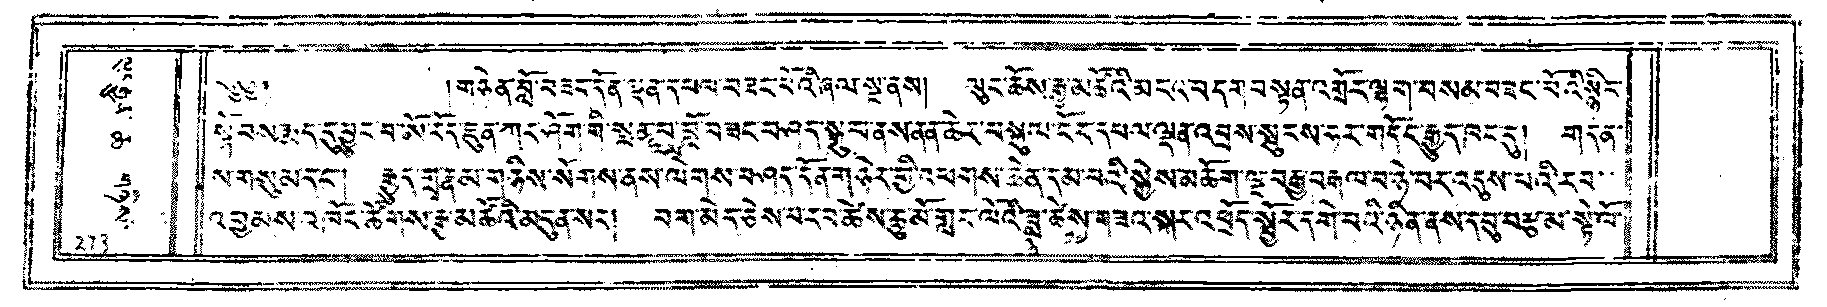༄༅། །གཉེན་བློ་བཟང་དོན་ལྡན་དཔལ་བཟང་པོའི་ཞལ་སྔ་ནས། ལུང་ཆོས་རྒྱ་མཚོའི་མངའ་བདག་བསྟན་འགྲོར་ལྷག་བསམ་བཟང་པོའི་སྙིང་
སྟོབས་རྨད་དུ་བྱུང་བ་ཨོ་རོད་ཇུན་ཀར་ཤོག་གི་སྨན་ངམ་?་པ་བློ་བཟང་བཤད་སྒྲུབ་ནས་ནན་ཆེར་བསྐུལ་ངོར་དཔལ་ལྡན་འབྲས་སྤུངས་ཧར་གདོང་རྒྱུད་ཁར་དུ། གདན་
ས་གསུམ་དང་། རྒྱུད་གྲྭ་རྣམ་གཉིས་སོགས་ནས་ལེགས་བཤད་དོན་གཉེར་གྱི་འཕགས་ཆེན་དམ་པའི་སྐྱེས་མཆོག་ལྔ་བརྒྱ་བརྒལ་བ་ཉེ་བར་འདུས་པའི་རབ་
འབྱམས་འཁོར་ཚོགས་རྒྱ་མཚོའི་མདུན་སར། བག་མེད་ཅེས་པ་རབ་ཚེས་ཆུ་མོ་གླང་ལོའི་ཟླ ༣་ཚེས ༡༧་གཟའ་སྐར་འཕྲོད་སྦྱོར་དགེ་བའི་ཉིན་ནས་དབུ་བརྩམ་སྟེ་ལོ་